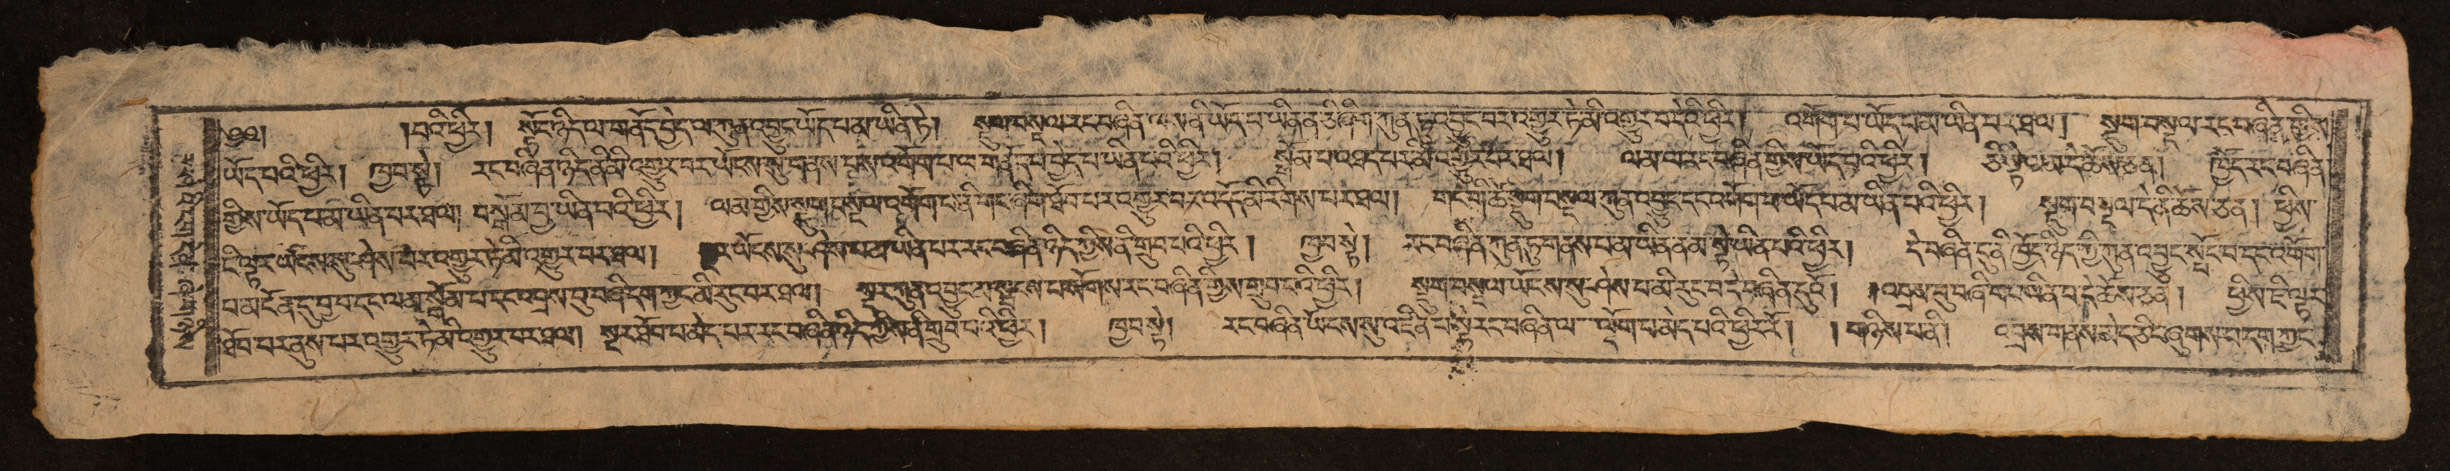༄༅། །པའི་ཕྱིར། སྟོང་ཉིད་ལ་གནོད་བྱེད་ལ་ཀུན་འབྱུང་ཡོད་པ་མ་ཡིན་ཏེ། སྡུག་བསྔལ་རང་བཞིན་ལས་ནི་ཡོད་པ་ཡིན་ན་ཅི་ཞིག་ཀུན་ཏུ་འབྱུང་བར་འགྱུར་ཏེ་མི་འགྱུར་བ་དེའི་ཕྱིར། འགོག་པ་ཡོད་པ་མ་ཡིན་པར་ཐལ། སྡུག་བསྔལ་རང་བཞིན་གྱིས་
ཡོད་པའི་ཕྱིར། ཁྱབ་སྟེ། རང་བཞིན་ཉིད་ནི་མི་འགྱུར་བར་ཡོངས་སུ་གནས་པས་འགོག་པ་ལ་གནོད་པ་བྱེད་པ་ཡིན་པའི་ཕྱིར། སྒོམ་པ་འཐད་པར་མི་འགྱུར་བར་ཐལ། ལམ་ལ་རང་བཞིན་གྱིས་ཡོད་པའི་ཕྱིར། ཅི་སྟེ་ལམ་དེ་ཆོས་ཅན། ཁྱོད་རང་བཞིན་
གྱིས་ཡོད་པ་མ་ཡིན་པར་ཐལ། བསྒོམ་བྱ་ཡིན་པའི་ཕྱིར། ལམ་གྱིས་སྡུག་བསྔལ་འགོག་པ་ནི་གང་ཞིག་ཐོབ་པར་འགྱུར་བར་འདོད་མི་རིགས་པར་ཐལ། གང་གི་ཚེ་སྡུག་བསྔལ་ཀུན་འབྱུང་དང་འགོག་པ་ཡོད་པ་མ་ཡིན་པའི་ཕྱིར། སྡུག་བསྔལ་དེ་ནི་ཆོས་ཅན། ཕྱིས་
ཇི་ལྟར་ཡོངས་སུ་ཤེས་པར་འགྱུར་ཏེ་མི་འགྱུར་བར་ཐལ། སྔར་ཡོངས་སུ་ཤེས་པ་མ་ཡིན་པར་རང་བཞིན་ཉིད་ཀྱིས་ནི་གྲུབ་པའི་ཕྱིར། ཁྱབ་སྟེ། རང་བཞིན་ཀུན་ཏུ་གནས་པ་མ་ཡིན་ནམ་སྟེ་ཡིན་པའི་ཕྱིར། དེ་བཞིན་དུ་ནི་ཁྱོད་ཉིད་ཀྱི་ཀུན་འབྱུང་སྤོང་བ་དང་འགོག་
པ་མངོན་དུ་བྱ་བ་དང་ལམ་སྒོམ་པ་དང་འབྲས་བུ་བཞི་དག་ཀྱང་མི་རུང་བར་ཐལ། སྔར་ཀུན་འབྱུང་མ་སྤངས་པ་སོགས་རང་བཞིན་གྱིས་གྲུབ་པའི་ཕྱིར། སྡུག་བསྔལ་ཡོངས་སུ་ཤེས་པ་མི་རུང་བ་དེ་བཞིན་དུའོ། །འབྲས་བུ་བཞི་གང་ཡིན་པ་དེ་ཆོས་ཅན། ཕྱིས་ཇི་ལྟར་
ཐོབ་པར་ནུས་པར་འགྱུར་ཏེ་མི་འགྱུར་བར་ཐལ། སྔར་ཐོབ་པ་མེད་པར་རང་བཞིན་ཉིད་ཀྱིས་ནི་གྲུབ་པའི་ཕྱིར། ཁྱབ་སྟེ། རང་བཞིན་ཡོངས་སུ་འཛིན་པ་སྟེ་རང་བཞིན་ལ་ལྡོག་པ་མེད་པའི་ཕྱིར་རོ། །གཉིས་པ་ནི། འབྲས་གནས་མེད་ཅིང་ཞུགས་པ་དག་ཀྱང་